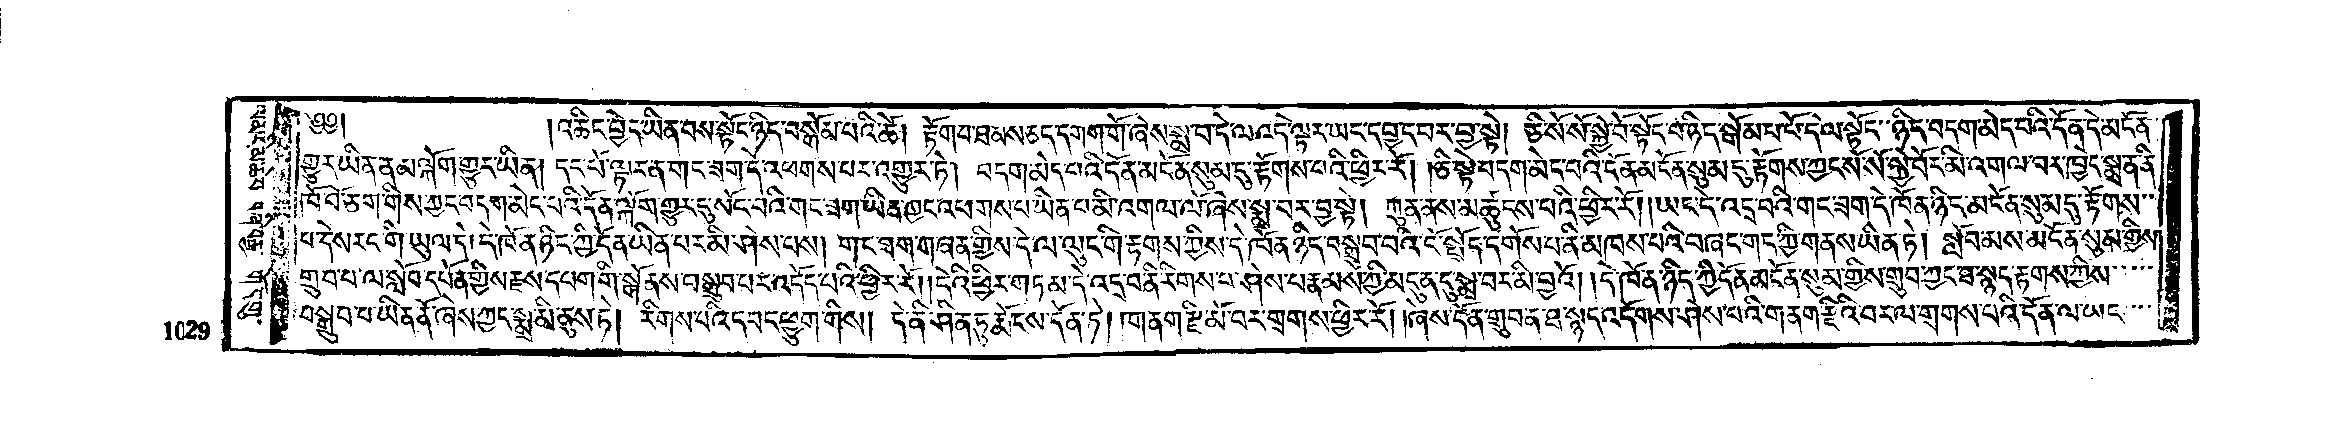༄༅། །འཆིང་བྱེད་ཡིན་པས་སྟོང་ཉིད་བསྒོམ་པའི་ཚེ། རྟོག་པ་ཐམས་ཅད་དགག་གོ་ཞེས་སྨྲ་བ་དེ་ལ་འདི་ལྟར་ཡང་དཔྱད་པར་བྱ་སྟེ། ཅི་སོ་སོ་སྐྱེ་བོ་སྟོང་བ་ཉིད་སྒོམ་པ་པོ་དེ་ལ་སྟོང་ཉིད་བདག་མེད་པའི་དོན་དེ་མངོན་
གྱུར་ཡིན་ནམ་ལྐོག་གྱུར་ཡིན། དང་པོ་ལྟར་ན་གང་ཟག་དེ་འཕགས་པར་འགྱུར་ཏེ། བདག་མེད་པའི་དོན་མངོན་སུམ་དུ་རྟོགས་པའི་ཕྱིར་རོ། །ཅི་སྟེ་བདག་མེད་པའི་དོན་མངོན་སུམ་དུ་རྟོགས་ཀྱང་སོ་སོ་སྐྱེ་བོར་མི་འགལ་བར་ཁྱེད་སྨྲ་ན་ནི་
ཁོ་བོ་ཅག་གིས་ཀྱང་བདག་མེད་པའི་དོན་ལྐོག་གྱུར་དུ་སོང་བའི་གང་ཟག་ཡིན་ཀྱང་འཕགས་པ་ཡིན་པ་མི་འགལ་ལོ་ཞེས་སྨྲ་བར་བྱ་སྟེ། ཀུན་ནས་མཚུངས་པའི་ཕྱིར་རོ། །ཡང་དེ་འདྲ་བའི་གང་ཟག་དེ་ཁོ་ན་ཉིད་མངོན་སུམ་དུ་རྟོགས་
པ་དེས་རང་གི་ཡུལ་དེ། དེ་ཁོ་ན་ཉིད་ཀྱི་དོན་ཡིན་པར་མི་ཤེས་པས། གང་ཟག་གཞན་གྱིས་དེ་ལ་ལུང་གི་རྟགས་ཀྱིས་དེ་ཁོ་ན་ཉིད་བསྒྲུབ་པའི་ངོ་སྤྲོད་དགོས་པ་ནི་མཁས་པའི་བཞད་གད་ཀྱི་གནས་ཡིན་ཏེ། སློབ་མས་མངོན་སུམ་གྱིས་
གྲུབ་པ་ལ་སློབ་དཔོན་གྱིས་རྗེས་དཔག་གི་སྒོ་ནས་བསྒྲུབ་པར་འདོད་པའི་ཕྱིར་རོ། །དེའི་ཕྱིར་གཏམ་དེ་འདྲ་བ་ནི་རིགས་པ་ཤེས་པ་རྣམས་ཀྱི་མདུན་དུ་སྨྲ་བར་མི་བྱའོ། །དེ་ཁོ་ན་ཉིད་ཀྱི་དོན་མངོན་སུམ་གྱིས་གྲུབ་ཀྱང་ཐ་སྙད་རྟགས་ཀྱིས་
བསྒྲུབ་པ་ཡིན་ནོ་ཞེས་ཀྱང་སྨྲ་མི་ནུས་ཏེ། རིགས་པའི་དབང་ཕྱུག་གིས། དེ་ནི་ཤིན་ཏུ་རྨོངས་དོན་ཏེ། །གནག་རྫི་མོ་བར་གྲགས་ཕྱིར་རོ། །ཞེས་དོན་གྲུབ་ན་ཐ་སྙད་འདོགས་ཤེས་པའི་གནག་རྫིའི་བར་ལ་གྲགས་པའི་དོན་ལ་ཡང་